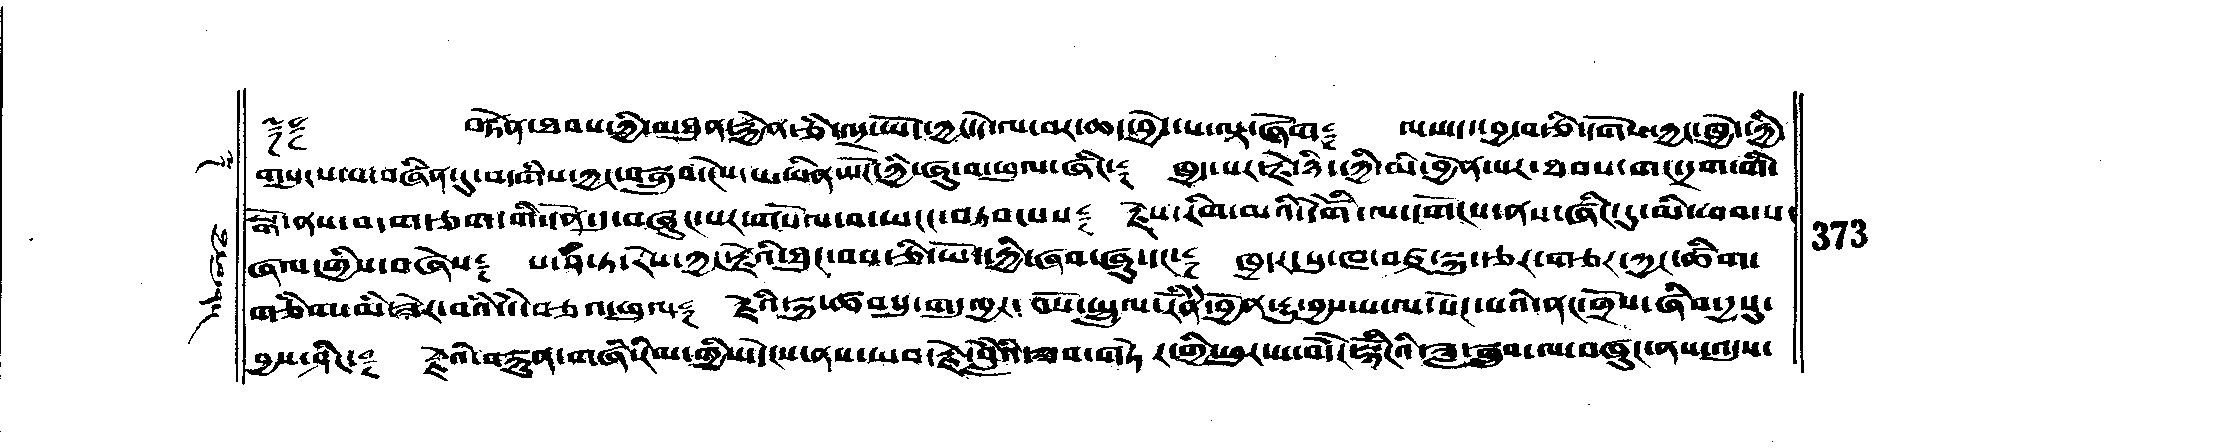བརྟན་ཐབས་ཀྱི་མཐུན་རྐྱེན་ཅི་འདྲ་ཡོད་ཀྱང་དེ་ལ་བར་ཆད་བྱེད་པ་ལྟ་ཞོག ལས་དང་བྱ་བ་ཅི་དགོས་ཀྱང་ཁྱེད་ཀྱི་
གསུངས་པ་བཞིན་དུ་བདག་གིས་ཀྱང་བསྒྲུབ་ངེས་པ་ཡིན་སོགས་ཀྱི་ཞུ་བ་ཕུལ་ཞིང་། ཁྱད་པར་རྗེ་ཉིད་ཀྱི་མི་བྱོན་པར་ཐབས་གང་དྲག་གི་
སྒོ་ནས་བདག་ཅག་གི་དོན་དུ་བཞུགས་པར་གསོལ་བ་ཡང་ཡང་བཏབ་པས། རྗེས་རིག་མའི་དམ་ཚིག་ལ་དགོངས་ནས་ཞིང་དུ་མི་ཕེབས་པ་
ཞལ་གྱིས་བཞེས། པ་ཤཱཾ་ཏ་རེས་ཀྱང་རྗེའི་ཐུགས་བབ་ཅི་ཡོད་ཀྱི་ཞབས་ཞུ་དང་།ཁྱད་པར་སུ་ཁ་བཛྲ་སྐུ་རྩར་གཅར་ཀྱང་ཚིག་
གཅིག་མི་ཟེར་བའི་དམ་བཅའ་ཕུལ། རྗེའི་སྐུ་ཚབ་སུ་གདུལ་བྱར་བསོ་སྤྲུལ་རིན་པོ་ཆེ་བྱོན་རྒྱུ་བྱས་པ་ལ་སོགས་པའི་ནང་གྲོས་ཞིབ་རྒྱས་སུ་
བྱས་ཤིང་། རྗེའི་བསྙུན་གཞི་རིམ་གྱི་དེངས་ནས་ཡབ་རྗེ་བླ་མའི་ཟབ་གཏེར་གྱི་ཕུར་པ་བདེ་གཤེགས་སྙིང་པོའི་ཟླ་སྒྲུབ་ལ་བཞུགས་ནས་འདུས་